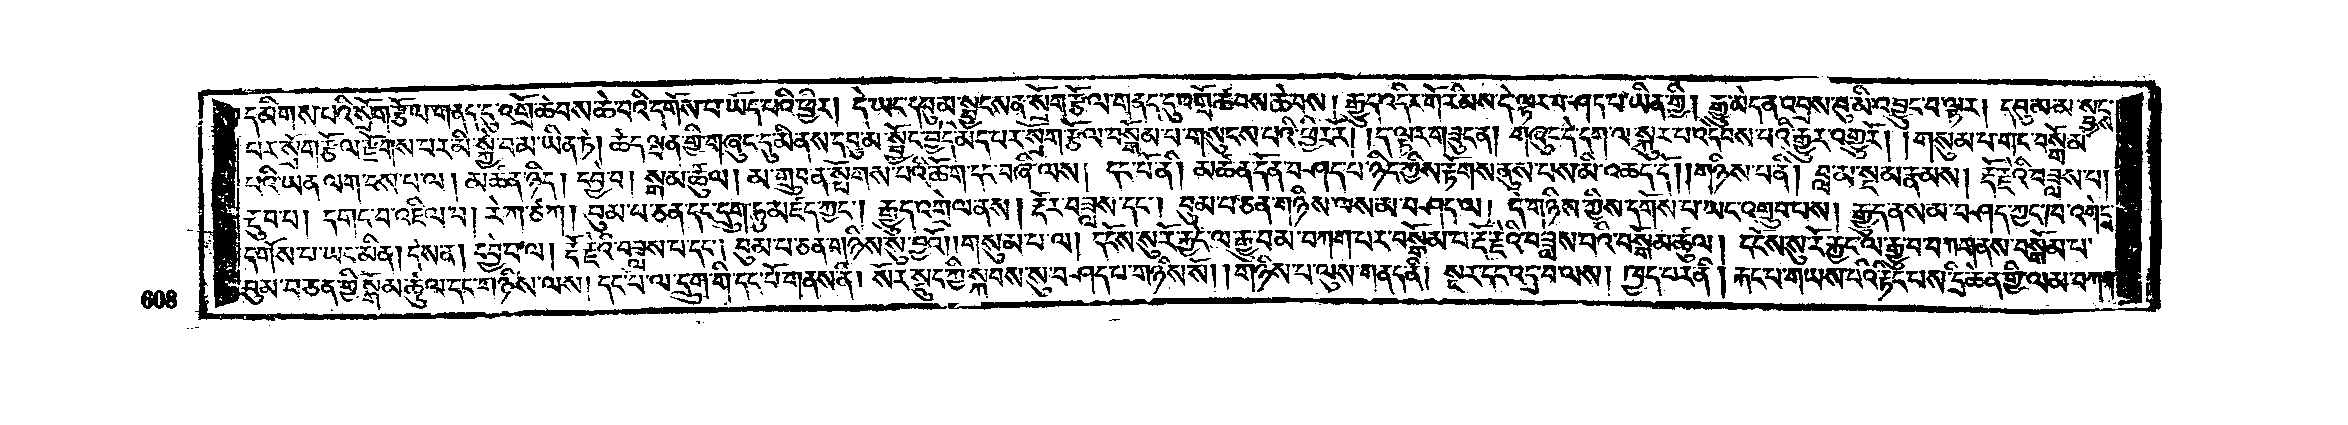དམིགས་པའི་སྲོག་རྩོལ་གནད་དུ་འགྲོ་ཆེ་བས་ཆེ་བའི་དགོས་པ་ཡོད་པའི་ཕྱིར། དེ་ཡང་དབུ་མ་སྦྱངས་ན་སྲོག་རྩོལ་གནད་དུ་འགྲོ་ཚབས་ཆེ་བས། རྒྱུད་འདིར་གོ་རིམས་དེ་ལྟར་བཤད་པ་ཡིན་གྱི། རྒྱུ་མེད་ན་འབྲས་བུ་མི་འབྱུང་བ་ལྟར། དབུ་མ་མ་སྦྱངས་
བར་སྲོག་རྩོལ་རྫོགས་པར་མི་སྐྱེ་བ་མ་ཡིན་ཏེ། ཚད་ལྡན་གྱི་གཞུང་དུ་མ་ནས་དབུ་མ་སྦྱོང་བྱེད་མེད་པར་སྲོག་རྩོལ་བསྒོམ་པ་གསུངས་པའི་ཕྱིར་རོ། །དེ་ལྟར་གཟུང་ན། གཞུང་དེ་དག་ལ་སྐུར་པ་འདེབས་པའི་རྒྱུར་འགྱུར་རོ། །གསུམ་པ་གང་བསྒོམ་
པའི་ཡན་ལག་ངེས་པ་ལ། མཚན་ཉིད། དབྱེ་བ། སྒོམ་ཚུལ། མ་གྲུབ་ན་སྤོགས་པའི་ཆོ་ག་དང་བཞི་ལས། དང་པོ་ནི། མཚན་དོན་བཤད་པ་ཉིད་ཀྱིས་རྟོགས་ནུས་པས་མི་འཆད་དོ། །གཉིས་པ་ནི། བླ་མ་སྔ་མ་རྣམས། རྡོ་རྗེའི་བཟླས་པ།
རྡུབ་པ། དགང་བ་འཇིལ་བ། རེ་ཀ་ཙ་ཀ། བུམ་པ་ཅན་དང་དྲུག་ཏུ་མཛད་ཀྱང་། རྒྱུད་འགྲེལ་ནས། རྡོར་བཟླས་དང་། བུམ་པ་ཅན་གཉིས་ལས་མ་བཤད་ལ། དེ་གཉིས་ཀྱིས་དགོས་པ་ཡང་འགྲུབ་པས། རྒྱུད་ནས་མ་བཤད་ཀྱང་ཁ་འགེངས་
དགོས་པ་ཡང་མིན། དེས་ན། དབྱེ་བ་ལ། རྡོ་རྗེའི་བཟླས་པ་དང་། བུམ་པ་ཅན་གཉིས་སུ་བྱའོ། །གསུམ་པ་ལ། དངོས་སུ་རོ་རྐྱང་ལ་རྒྱུ་བ་མ་བཀག་པར་བསྒོམ་པ་རྡོ་རྗེའི་བཟླས་པའི་བསྒོམ་ཚུལ། དངོས་སུ་རོ་རྐྱང་ལ་རྒྱུ་བ་བཀག་ནས་བསྒོམ་པ་
བུམ་པ་ཅན་གྱི་སྒོམ་ཚུལ་དང་གཉིས་ལས། དང་པོ་ལ་དྲུག་གི་དང་པོ་གནས་ནི། སོར་སྡུད་ཀྱི་སྐབས་སུ་བཤད་པ་གཉིས་སོ། །གཉིས་པ་ལུས་གནད་ནི། སྔར་དང་འདྲ་བ་ལས། ཁྱད་པར་ནི། རྐང་པ་གཡས་པའི་རྟིང་པས་དྲི་ཆེན་གྱི་ལམ་བཀག་